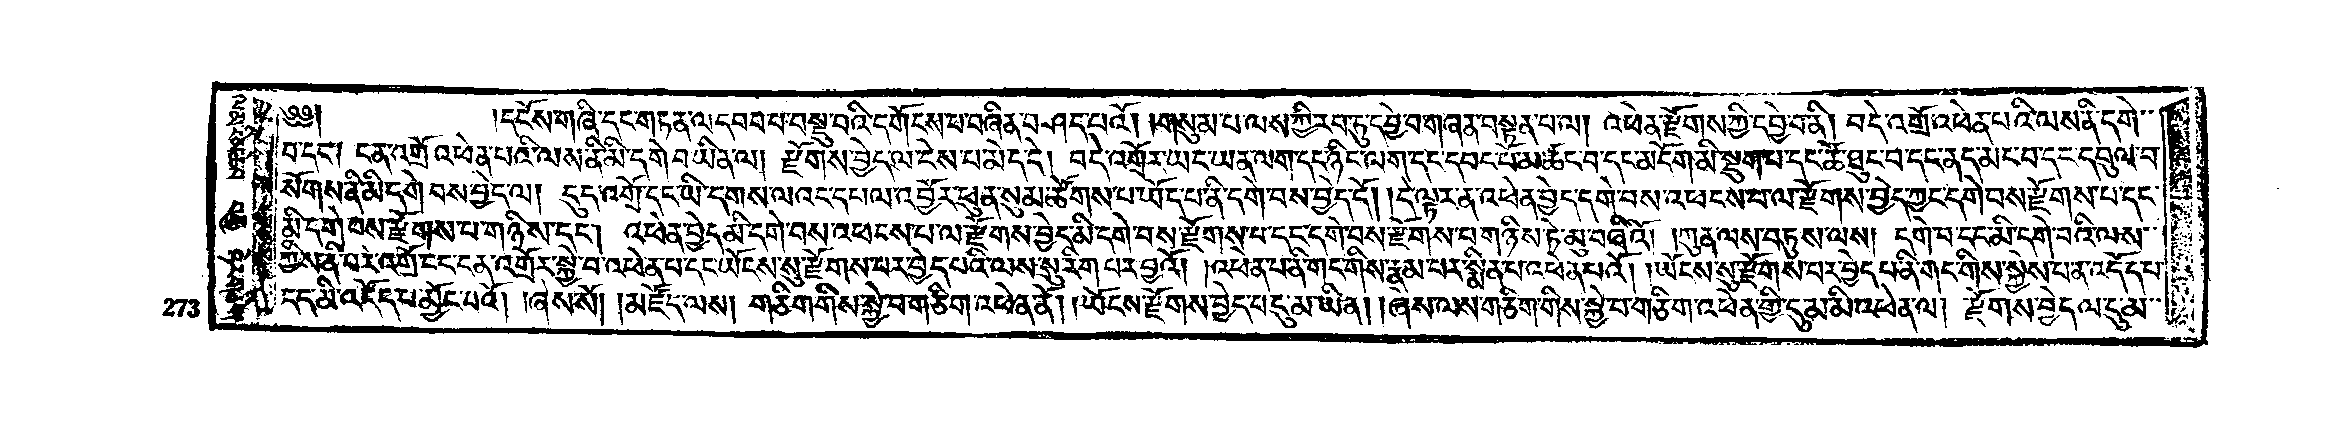༄༅། །དངོས་གཞི་དང་གཏན་ལ་དབབ་པ་བསྡུ་བའི་དགོངས་པ་བཞིན་བཤད་པའོ། །གསུམ་པ་ལས་ཀྱི་རབ་ཏུ་དབྱེ་བ་གཞན་བསྟན་པ་ལ། འཕེན་རྫོགས་ཀྱི་དབྱེ་བ་ནི། བདེ་འགྲོ་འཕེན་པའི་ལས་ནི་དགེ་
བ་དང་། ངན་འགྲོ་འཕེན་པའི་ལས་ནི་མི་དགེ་བ་ཡིན་ལ། རྫོགས་བྱེད་ལ་ངེས་པ་མེད་དེ། བདེ་འགྲོར་ཡང་ཡན་ལག་དང་ཉིང་ལག་དང་དབང་པོ་མ་ཚང་བ་དང་མདོག་མི་སྡུག་པ་དང་ཚེ་ཐུང་བ་དང་ནད་མང་བ་དང་དབུལ་བ་
སོགས་ནི་མི་དགེ་བས་བྱེད་ལ། དུད་འགྲོ་དང་ཡི་དྭགས་ལའང་དཔལ་འབྱོར་ཕུན་སུམ་ཚོགས་པ་ཡོད་པ་ནི་དགེ་བས་བྱེད་དོ། །དེ་ལྟར་ན་འཕེན་བྱེད་དགེ་བས་འཕངས་པ་ལ་རྫོགས་བྱེད་ཀྱང་དགེ་བས་རྫོགས་པ་དང་
མི་དགེ་བས་རྫོགས་པ་གཉིས་དང་། འཕེན་བྱེད་མི་དགེ་བས་འཕངས་པ་ལ་རྫོགས་བྱེད་མི་དགེ་བས་རྫོགས་པ་དང་དགེ་བས་རྫོགས་པ་གཉིས་ཏེ་མུ་བཞིའོ། །ཀུན་ལས་བཏུས་ལས། དགེ་བ་དང་མི་དགེ་བའི་ལས་
ཀྱིས་ནི་བདེ་འགྲོ་དང་ངན་འགྲོར་སྐྱེ་བ་འཕེན་པ་དང་ཡོངས་སུ་རྫོགས་པར་བྱེད་པའི་ལས་སུ་རིག་པར་བྱའོ། །འཕེན་པ་ནི་གང་གིས་རྣམ་པར་སྨིན་པ་འཕེན་པའོ། །ཡོངས་སུ་རྫོགས་པར་བྱེད་པ་ནི་གང་གིས་སྐྱེས་པ་ན་འདོད་པ་
དང་མི་འདོད་པ་མྱོང་བའོ། །ཞེས་སོ། །མཛོད་ལས། གཅིག་གིས་སྐྱེ་བ་གཅིག་འཕེན་ནོ། །ཡོངས་རྫོགས་བྱེད་པ་དུ་མ་ཡིན། །ཞེས་ལས་གཅིག་གིས་སྐྱེ་བ་གཅིག་འཕེན་གྱི་དུ་མ་མི་འཕེན་ལ། རྫོགས་བྱེད་ལ་དུ་མ་